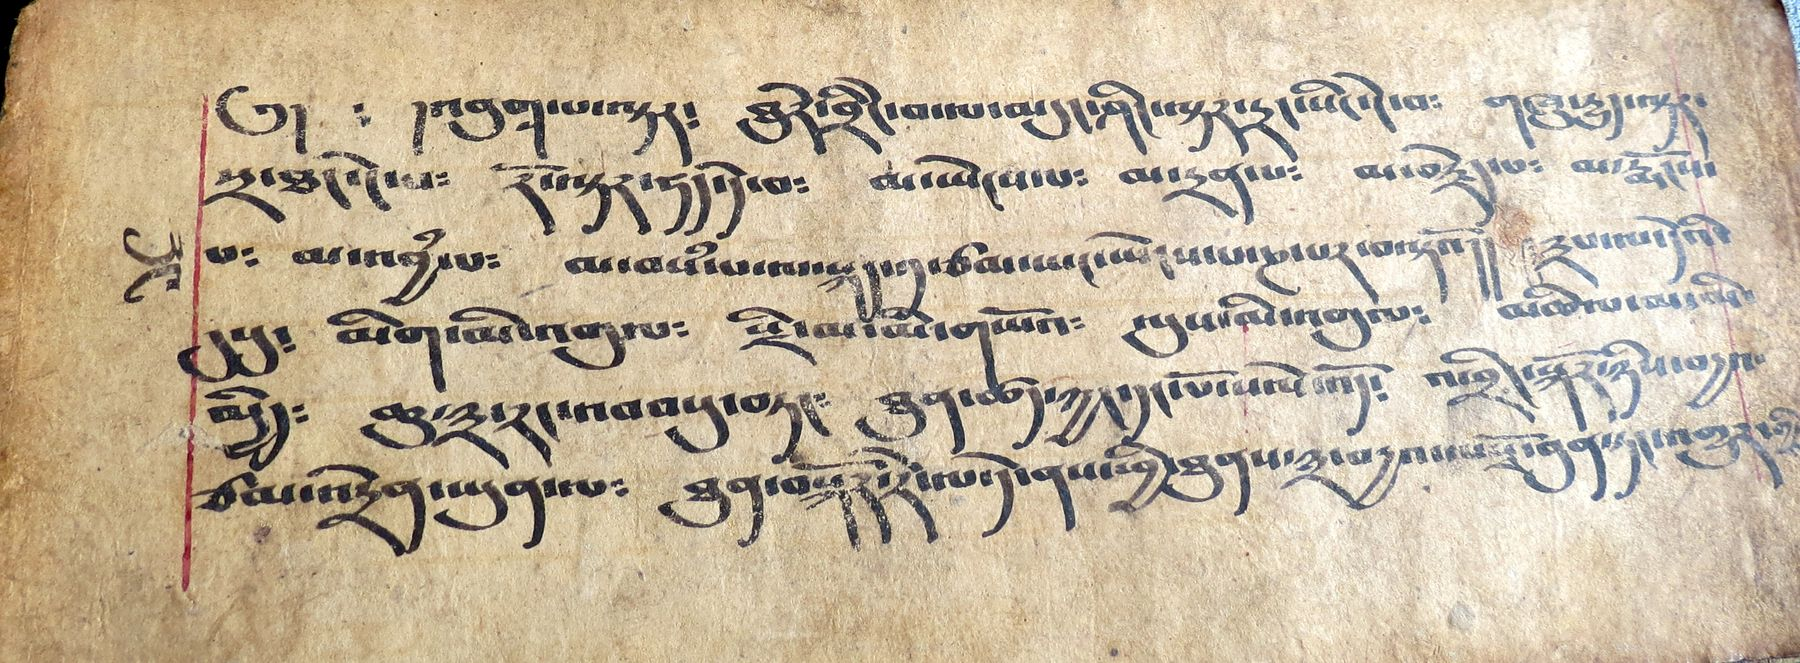བུག་པ་འབུག་པ་ལྟར་ཐུར་རེ་བྲིང་ངེ་བ་ལ། མདུང་ཤིང་ལྟར་དྲང་སེང་ངེ་བ། གཞུ་རྒྱུད་ལྟར་
སྲ་ཐང་ངེ་བ། རོ་ལྟར་ཧད་དེ་བ། མ་ཡེངས་པ་མ་དྲན་པ། མ་བརྗེད་པ། མ་རྨོངས་
པ། མ་འབྱམས་པ། མ་བསམ་པ་ལ། སྐད་གཅིག་ཙམ་ཡང་གཡེལ་བ་མེད་པར་ལྟའོ། ། ༧གསུམ་པ་དེའི་
དུས་སུ་མིག་མི་འགུལ། རྫི་མ་མི་གཡོ། ལུས་མི་འགུལ། མཆིལ་མ་མི་
མེད། གློ་མི་ལུ། ཆུ་གསུམ་རང་འབབས་སུ་བཏངས། ཐུན་ཚད་ཀྱང་དང་པོ་ས་ལེ་འོད་འཕྲེང་གཉིས་བརྒྱ་
ཙམ་འདྲེན་ཡུལ་ལ་ཐུན་སྐོར་རེ་ལ། དེ་ནས་ཕྱི་ཐུན་ནས་སུམ་བརྒྱ་ལ་སོགས་བུན་ཏང་འགྱུར་གྱི་